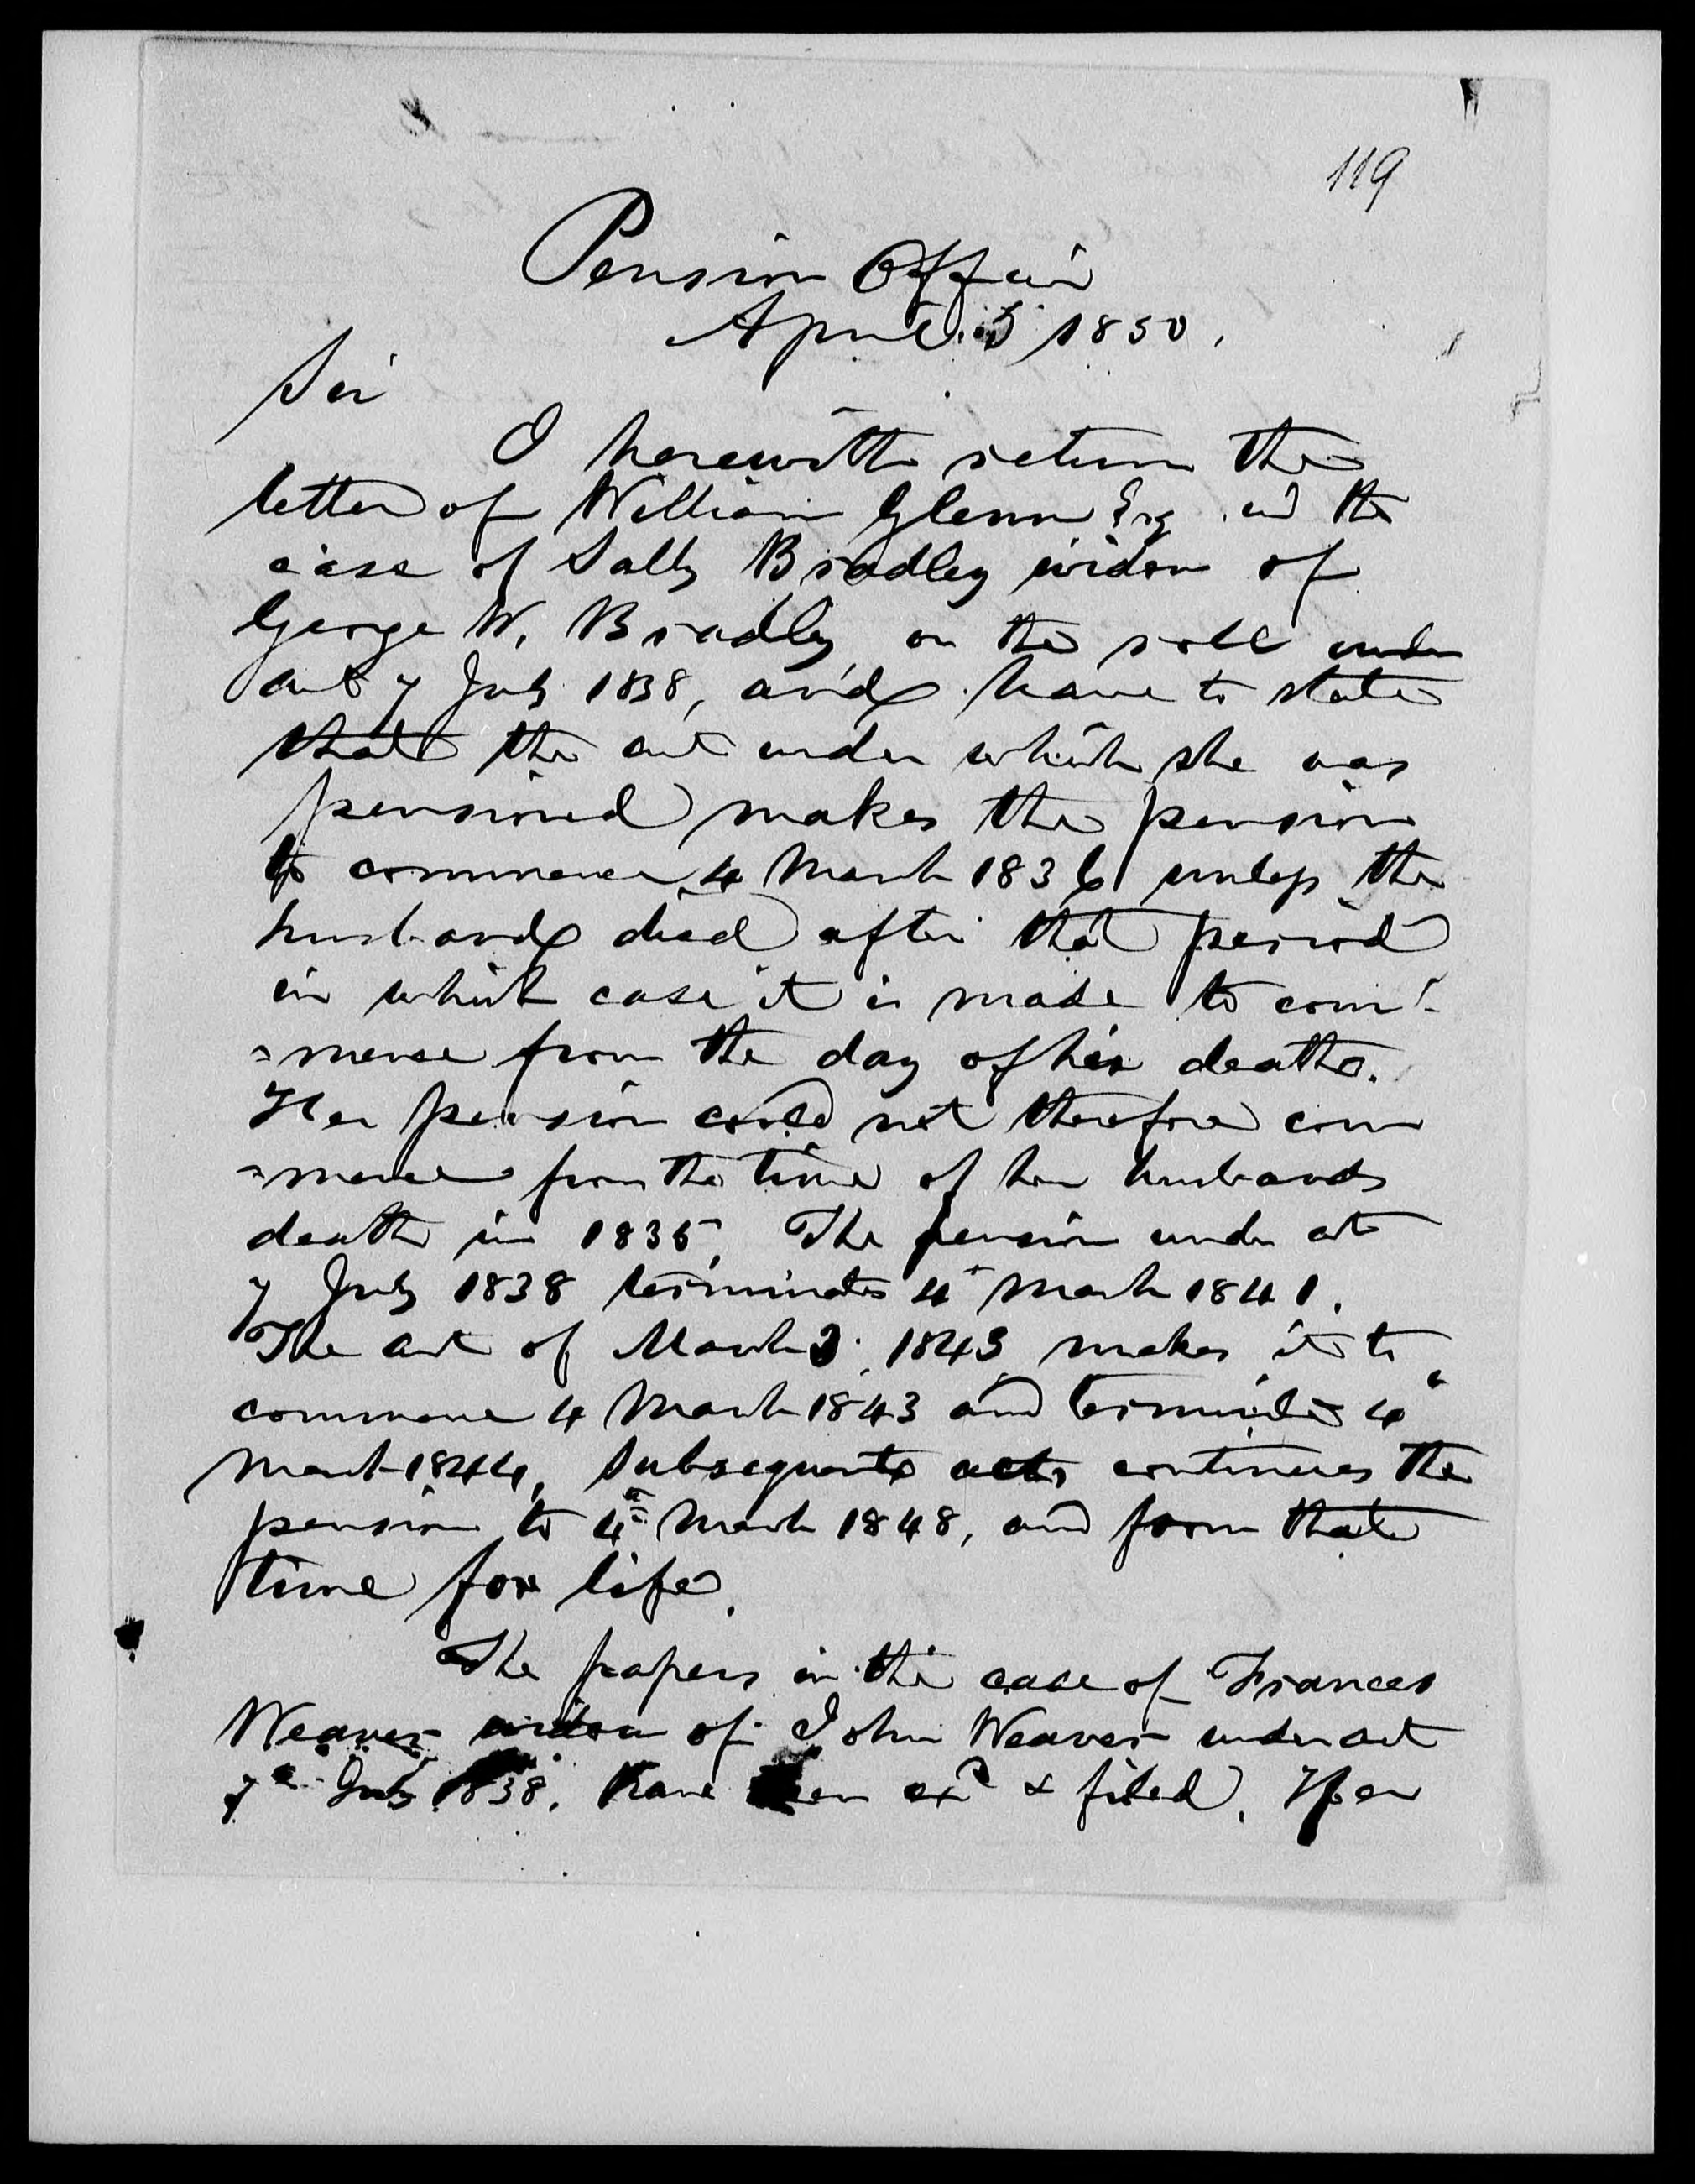119
Pension Office Apr. 5 1850 

Sir
I herewith return the letter of William Glenn Esq. and the case of Sally Bradley widow of George W. Bradley on the roll under act 7 July 1838, and have to state that the act under which she was pensioned make the pension to commence 4 March 1836 unless the husband died after that period in which case it is made to commence from the day of his death. Her pension could not therefore commence from the time of her husbands death in 1835. The pension under act July 1838 terminates 4th March 1843. The act of March 3, 1843 makes it to commence 4 March 1843 and terminates 4 March 1844, subsequent act continues the pension to 4th March 1848, and from that time for life. 
The papers in the case of Frances Weaver widow of John Weaver under act 7 July 1838, have her exd [executed?] & filed. Her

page: 32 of 67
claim: widow's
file: W. 21793, for George Mc Lain, North Carolina